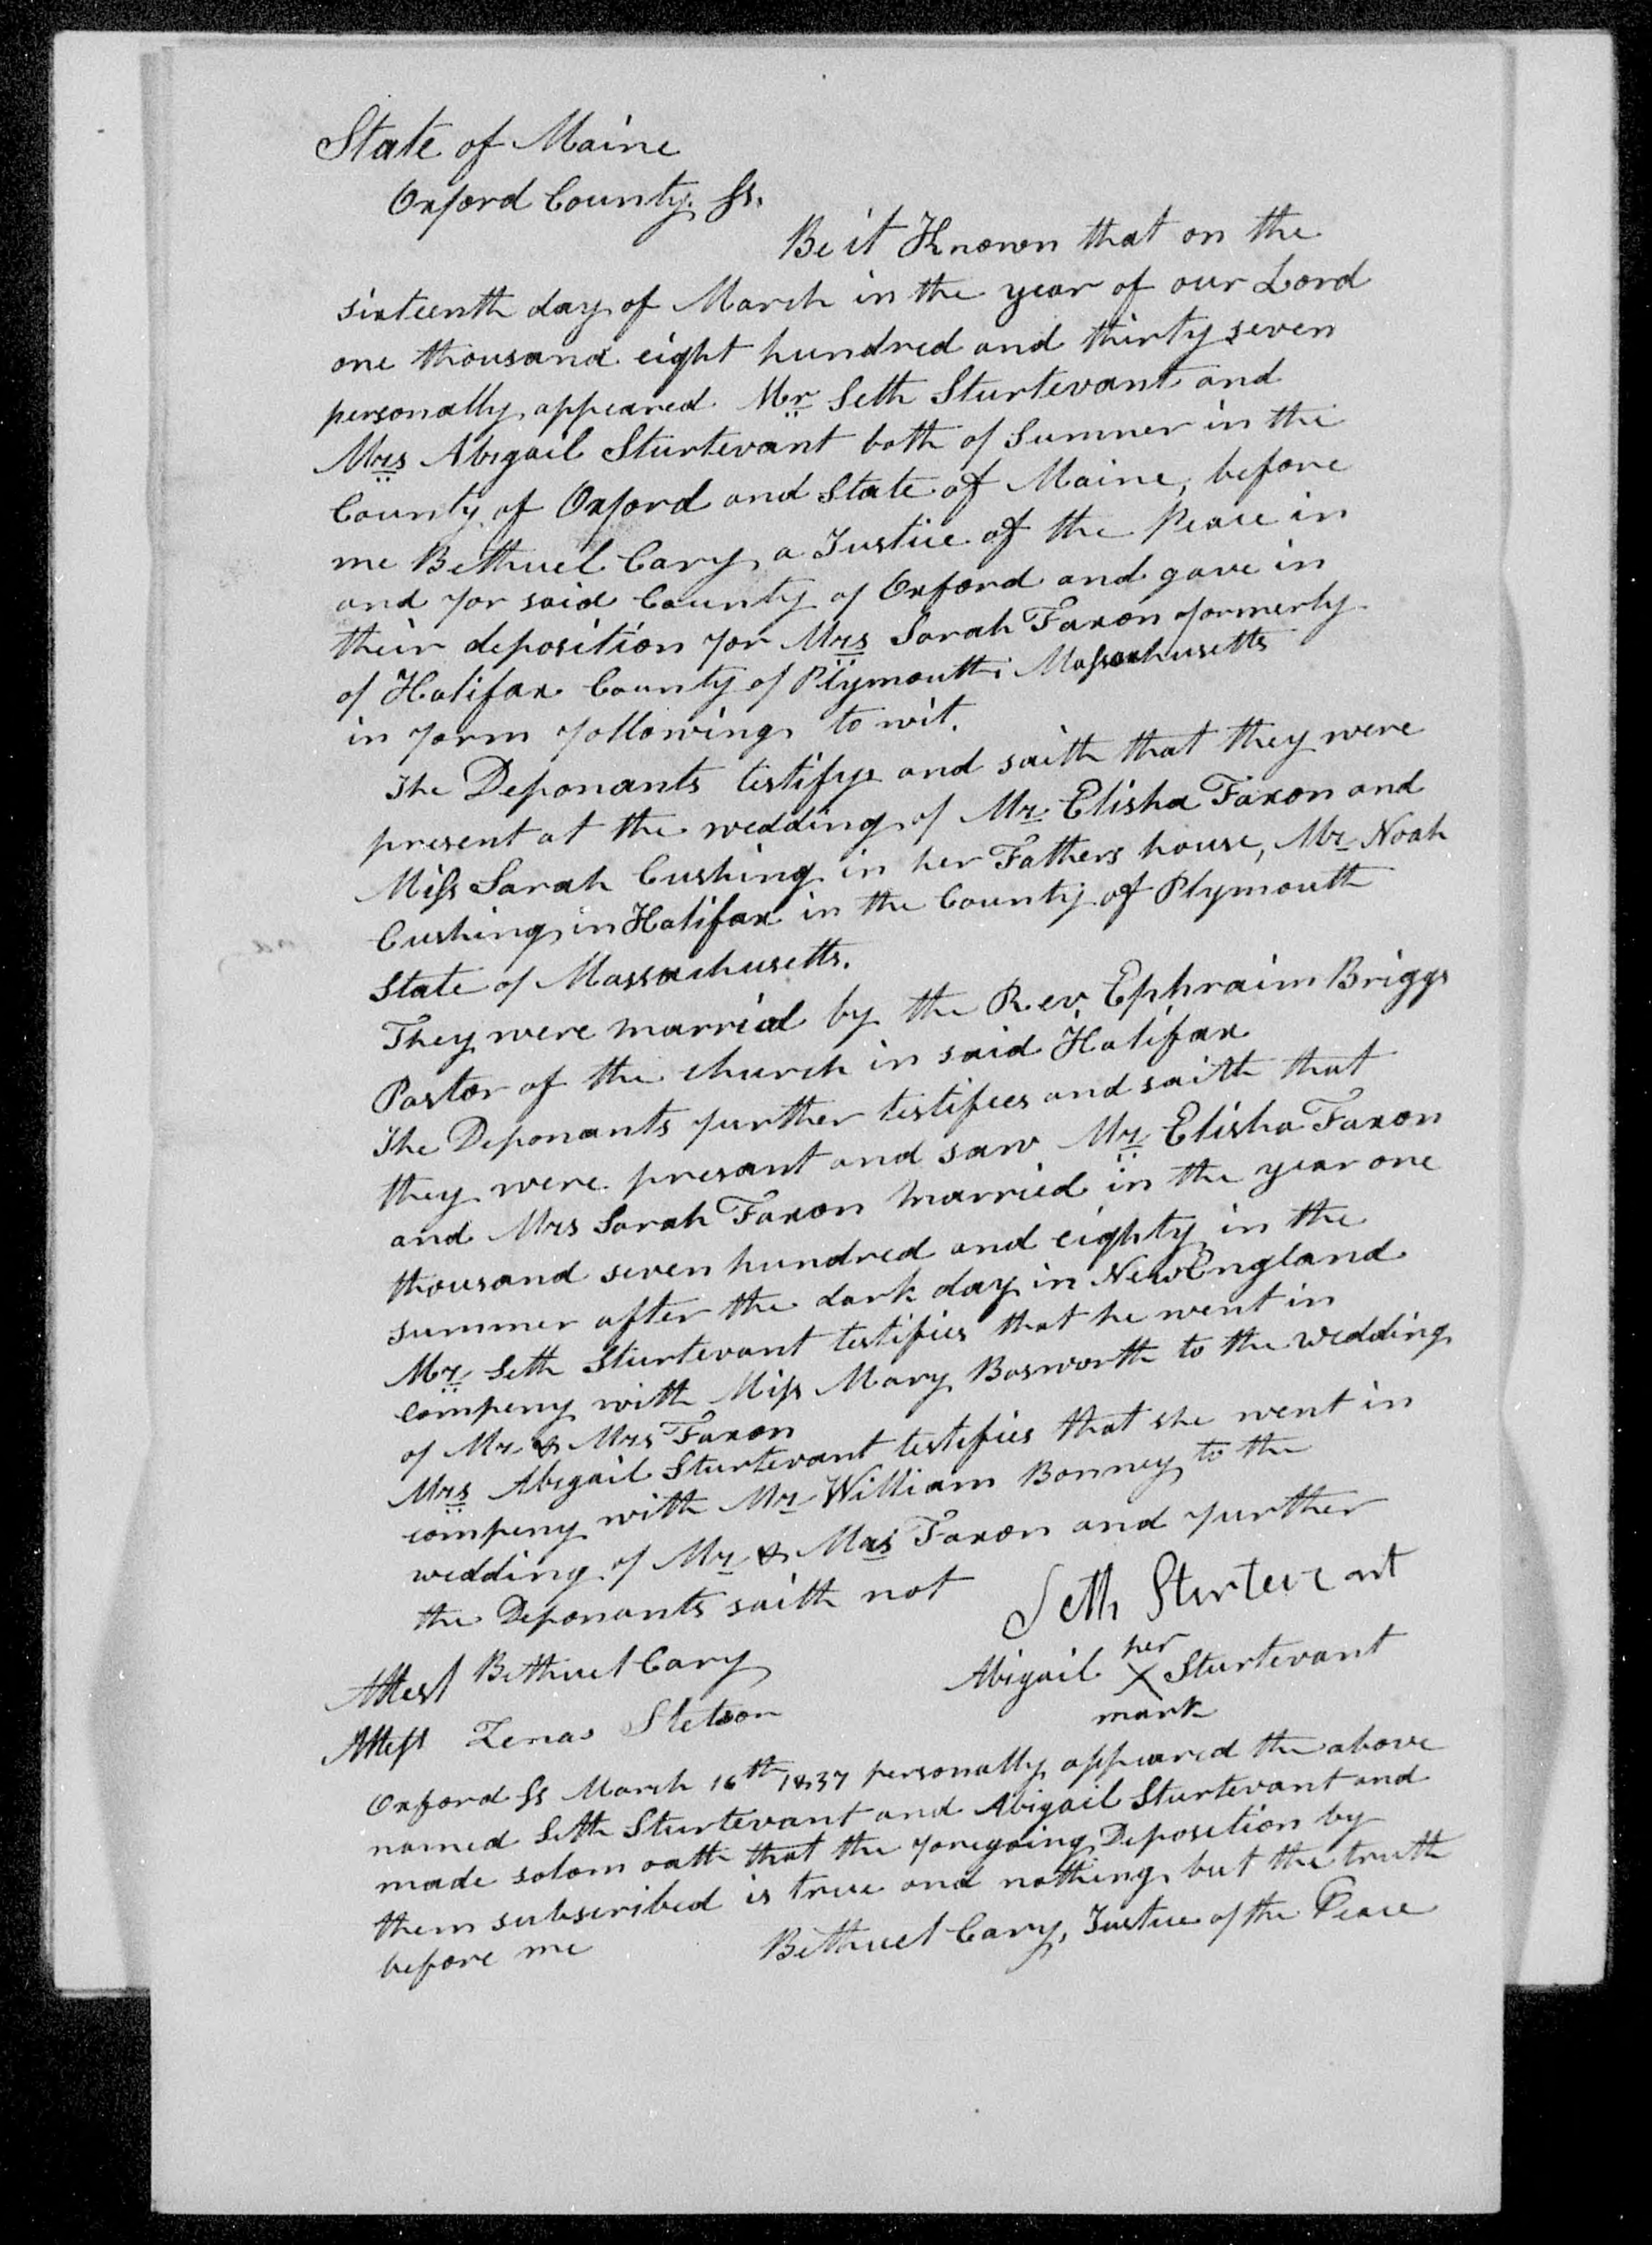State of Maine
Oxford County
Be it known that on the sixteenth day of March in the year of our Lord one thousand eight hundred and thirty seven personally appeared Mr. Seth Sturtevant and Mrs. Abigail Sturtevant both of Summer in the County of Oxford and State of Maine before me Bethnel Cary a Justice of the Peace in and for said County of Exford and gave in their deposition for Mrs. Sarah Faxon formerly of Halifax County of Plymouth Massachusetts in form following to wit.
The Deposants testify and saith that they were present at the wedding of Mr. Elisha Faxon and Miss Sara Cushing in her Father's house, Mr. Noah Cushing in Halifax in the County of Plymouth State of Massachusetts. 
They were married by the Rev Ephrain Briggs Pastor of the church in said Halifax. The Deposants further testifies and saith that they were present and saw Mr. Elisha Faxon and Mrs. Sarah Faxon married in the year one thousand seven hundred and eighty in the summer after the (dark?) day in New England. Mr. Seth Sturtevant testifies that he went in company with Miss Mary Bosworth to the wedding of Mr. and Mrs. Faxon.
Mrs. Abigail Sturtevant testifies that she went in company with Mr. William Bonny to the wedding of Mr. and Mrs. Faxon and further the Deposants saith not. 
Seth Sturtevant
Abigail her X mark Sturtevant
Attest Bethnel Cary
Attest Lenas Stetson
March 16th (illegible) personally appeared the above named Seth St;urtevant and Abigail Sturtevant and made solemn oath that the forgoing deposition by them subscribed is true and nothing but the truth before me
Bethnel Cary, Trustee of the Peace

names: Abigail Sturtevant, Seth Sturtevant, Ephraim Briggs, Bethnel Cary, Seth Sturtevant, Noah Cushing, Sarah Cushing, Elisha Faxon, William Bonney, Abigail Sturtevant, Faxon, Mary Bosworth, Seth Sturtevant, Elisha Faxon, Sarah Faxon, Bethnel Cary, Abigail Sturtevant, Sarah Faxon, Abigail Sturtevant, Seth Sturtevant, Bethnel Cary, Zenas Stetson, Faxon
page: 22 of 47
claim: widow's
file: W. 14703, Elisha Faxon, Mass